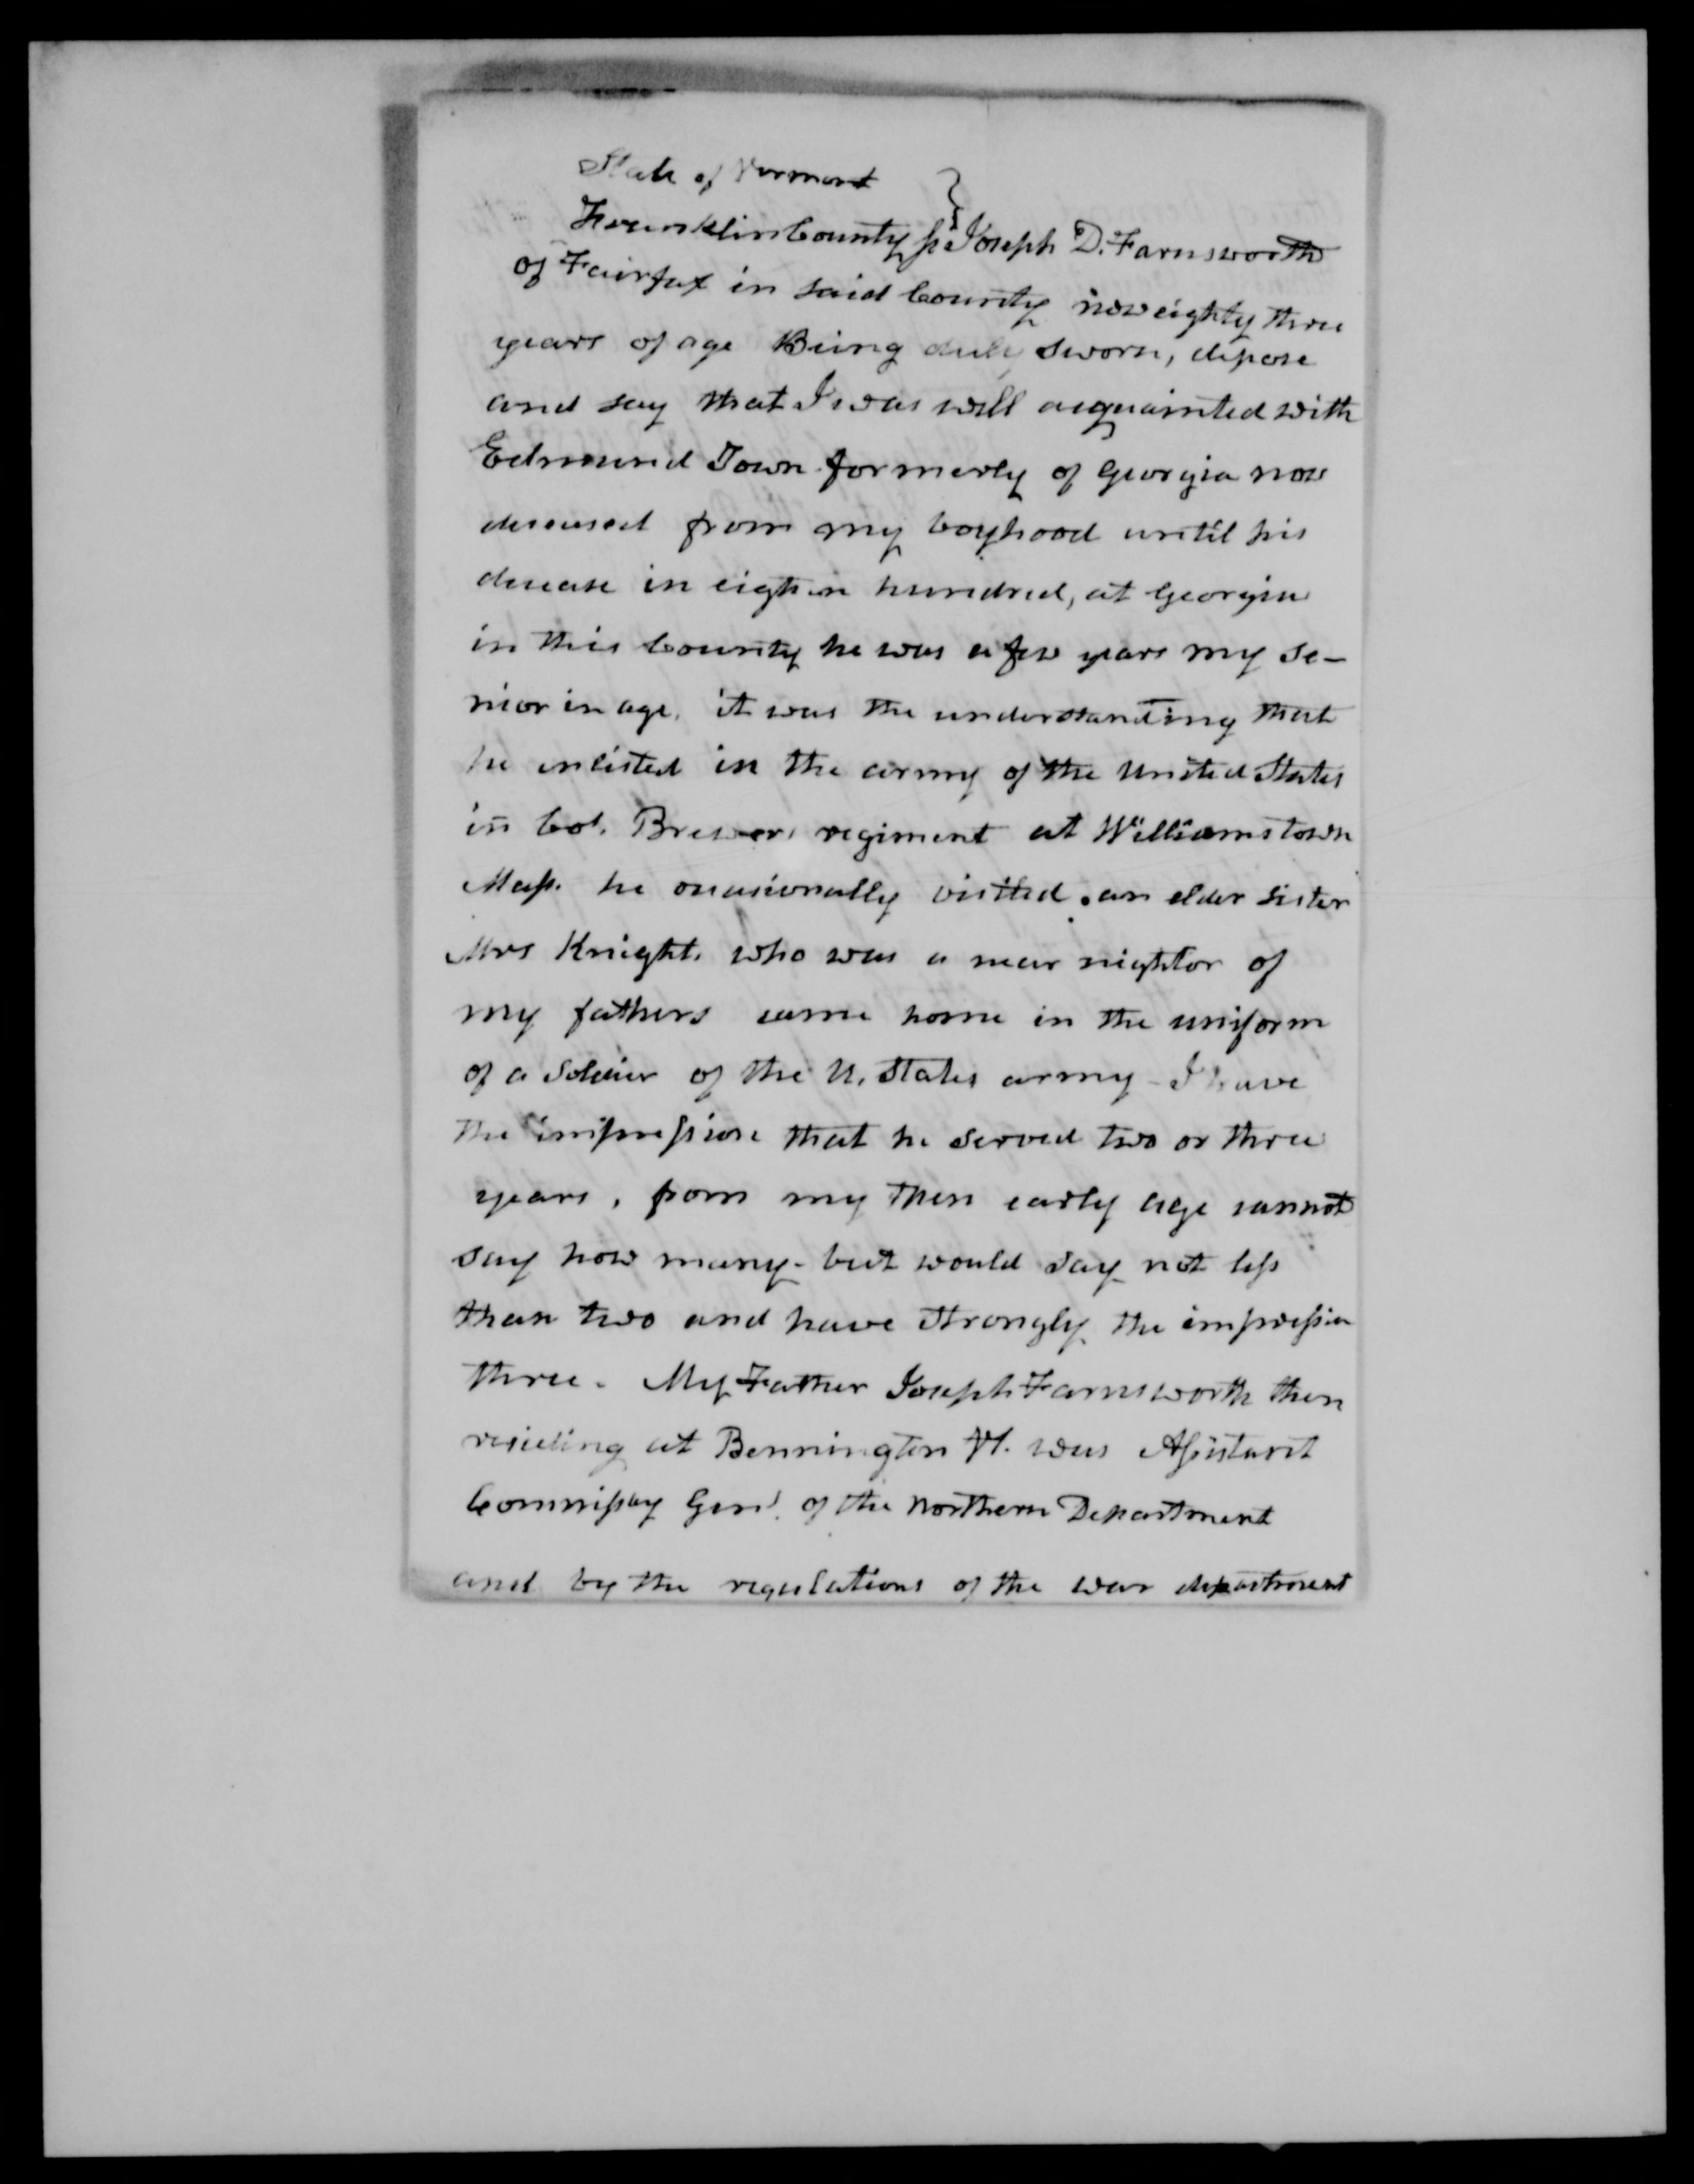State of Vermont
Franklin County SS.
I joseph D. Farnsworth of Fairfax in said County now eighty three years of age being duly sworn, depose and say that I was well acquainted with Edmund Town formerly of Georgia now deceased from my boyhood until his death in eighteen hundred at Georgia in this County. He was a few years my senior in age. It was the understanding that he enlisted in the army of the United States in Col. Brewer's regiment at Williamstown Mass. He occasionally visited an older sister Mrs. Knight who was a near neighbor of my fathers. Came home in the uniform of the U. States army. I have the impression that he served two or three years. From my then early age cannot say how many but would say not less than two and have strongly the impression three. My Father Joseph Farnsworth then residing at Bennington Vt. was Assistant Commissary Genl. of the Norther Department and by the regulations of the war department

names: Joseph D Farnsworth, Edmund Town, Knight, Joseph Farnsworth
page: 38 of 64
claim: widow's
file: W. 5831, Edmund Town, Mass.